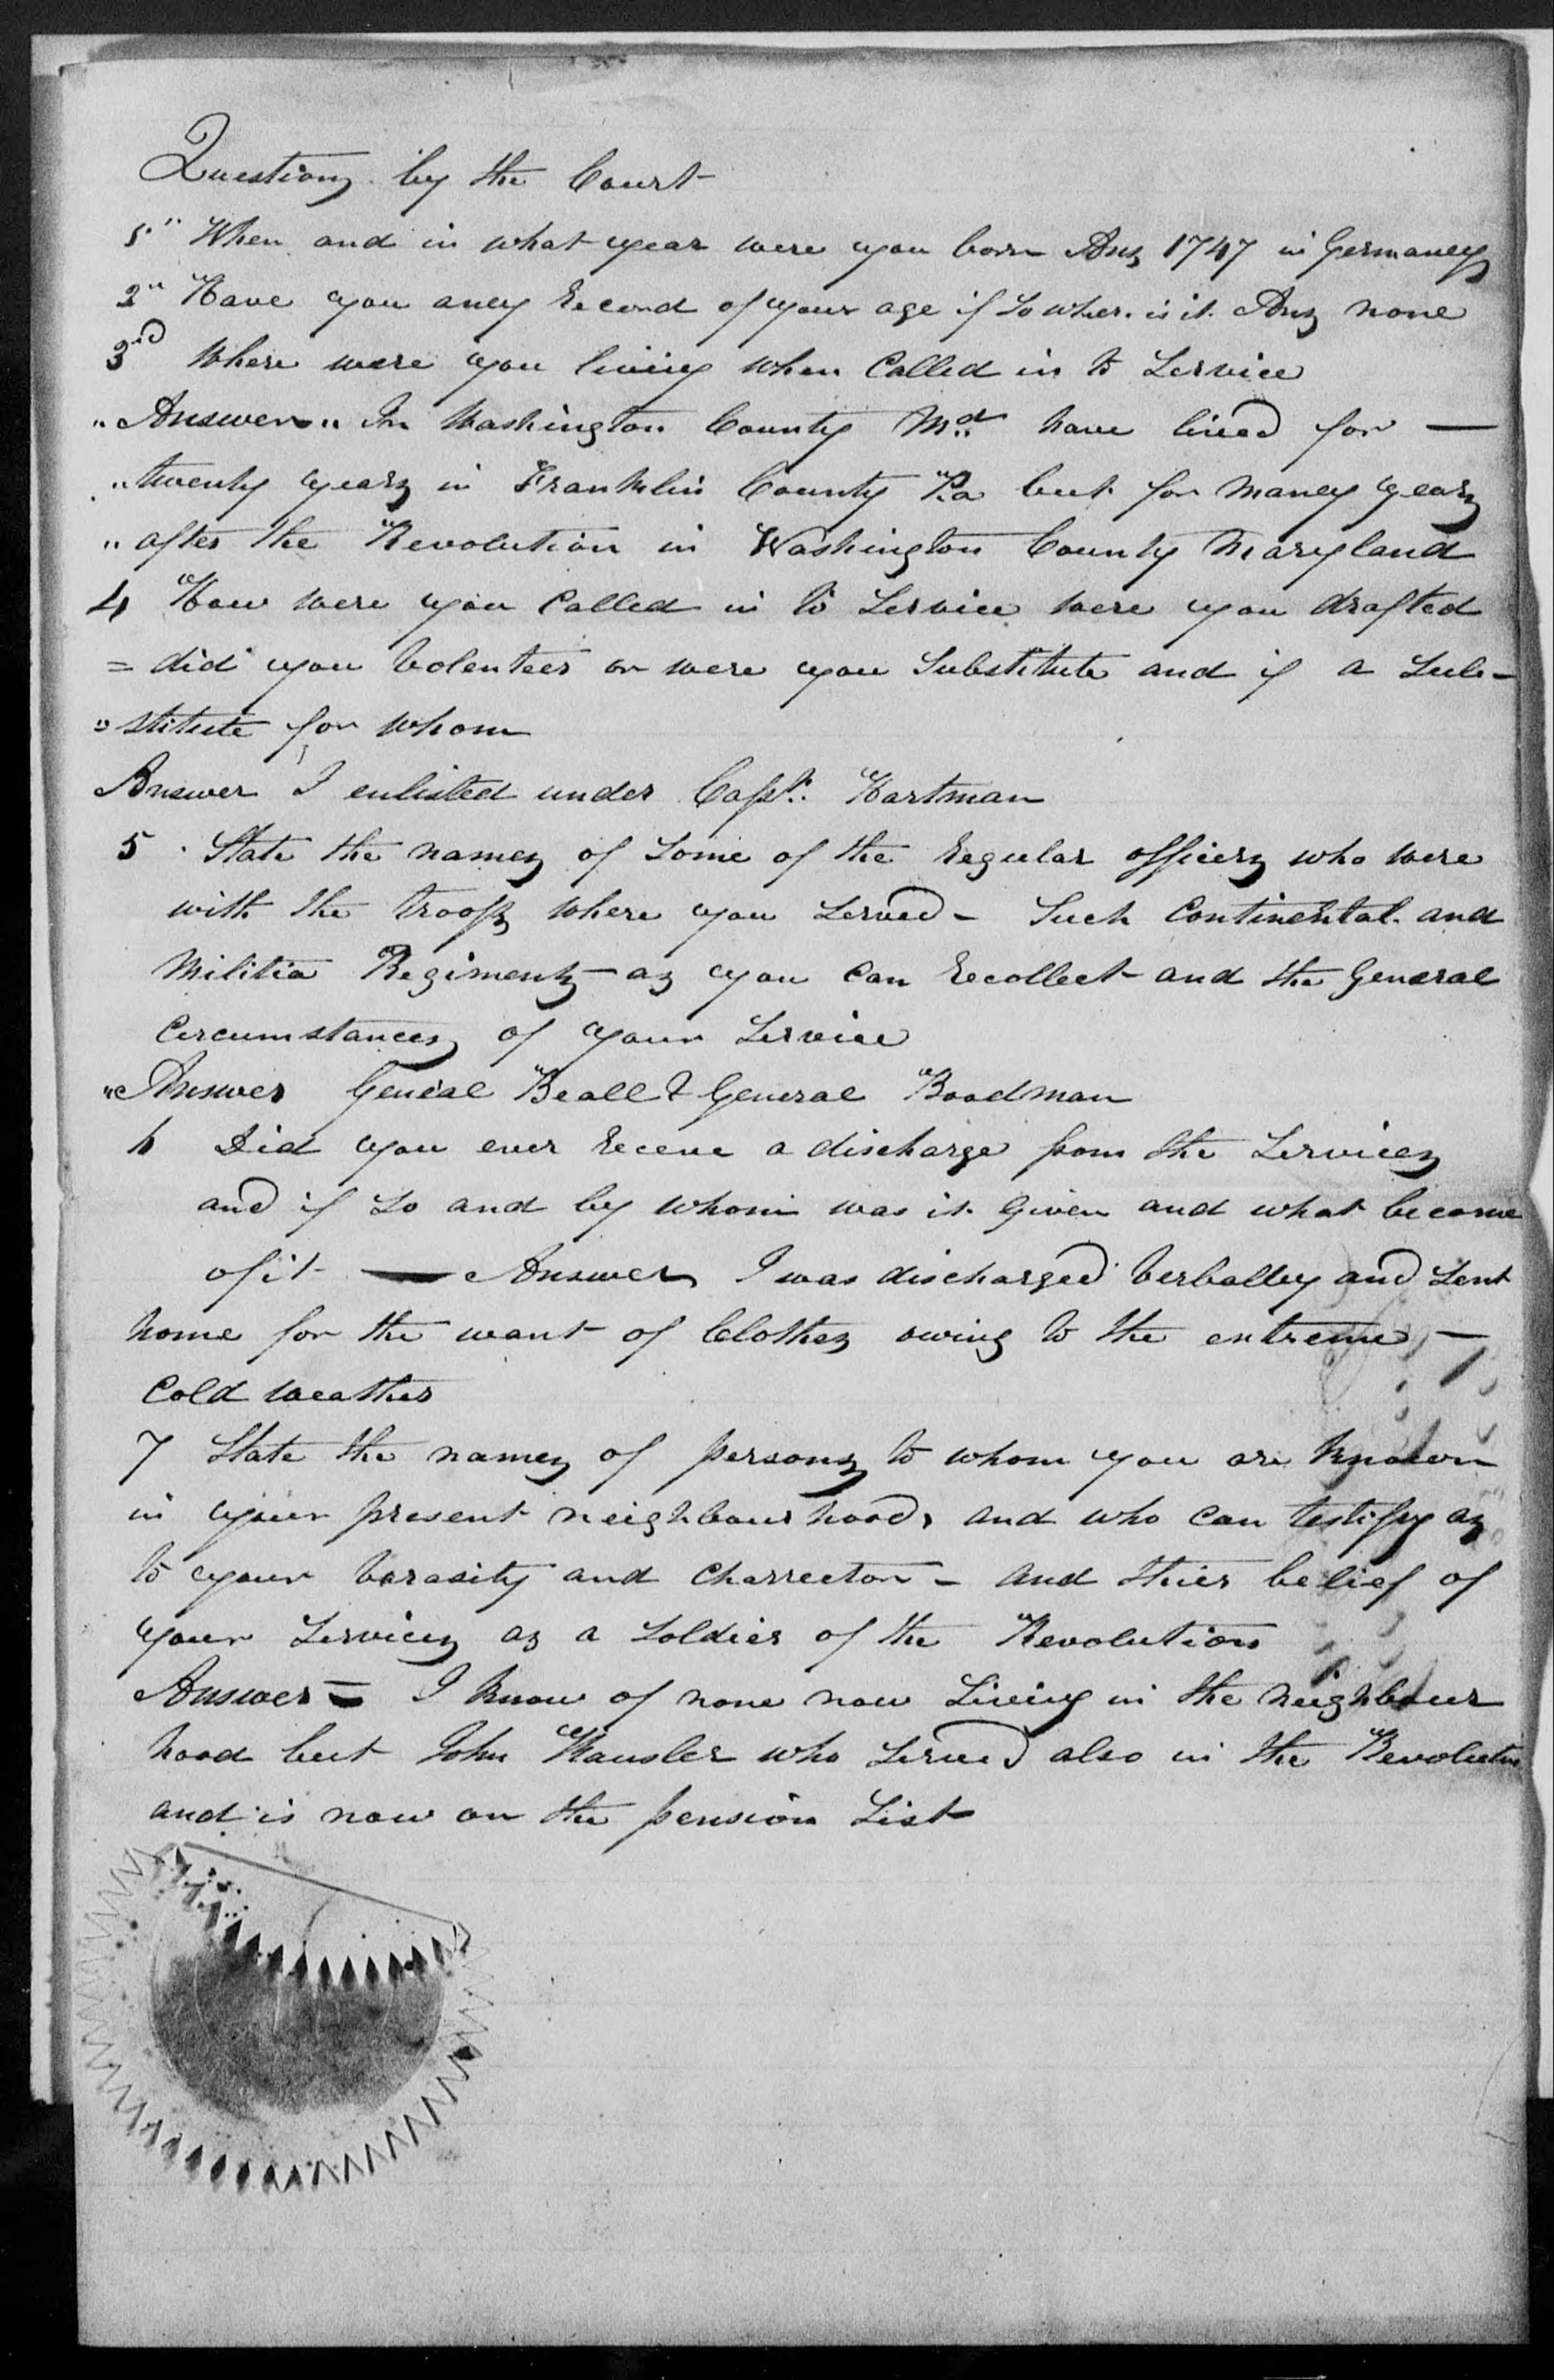Questions by the Court

1st When and in what year were you born  Ans. 1747 in Germaney

2nd Have you any record of your age if so where is it. Ans none

3rd  Where were you living when called in to service
Answer In Washington County Md. have lived for
twenty years in Franklin County Pa but for maney years
after the Revolution in Washington County Maryland

4 How were you called in to service were you drafted
did you volunteer or were you substitute and if a sub-
stitute for whom
Answer I enlisted under Capt. Hartman

5 State the names of some of the regular officers who were
with the troops where you served. Such Continental and
militia Regiments as you can recollect and the general
circumstances of your service
Answer General Beall General Boardman

6 Did you ever receive a discharge from the services
and if so and by whom was it given and what became
of it.  Answer I was discharged verbally and sent
home for the want of clothes owing to the extreme
cold weather

7 State the names of persons to whom you are known
in your present neighbourhood, and who can testify as
to your varasity and charrector and their belief of
your services as a soldier of the Revolution
Answer I know of none now living in the neighbour-
hood but John Kausler who served also in the Revolution
and is now on the pension list.

[Blurred seal]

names: Beall, John Kausler, Boadman, Hartman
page: 6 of 22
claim: survivor's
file: S. 9,199, George Corley, Md.